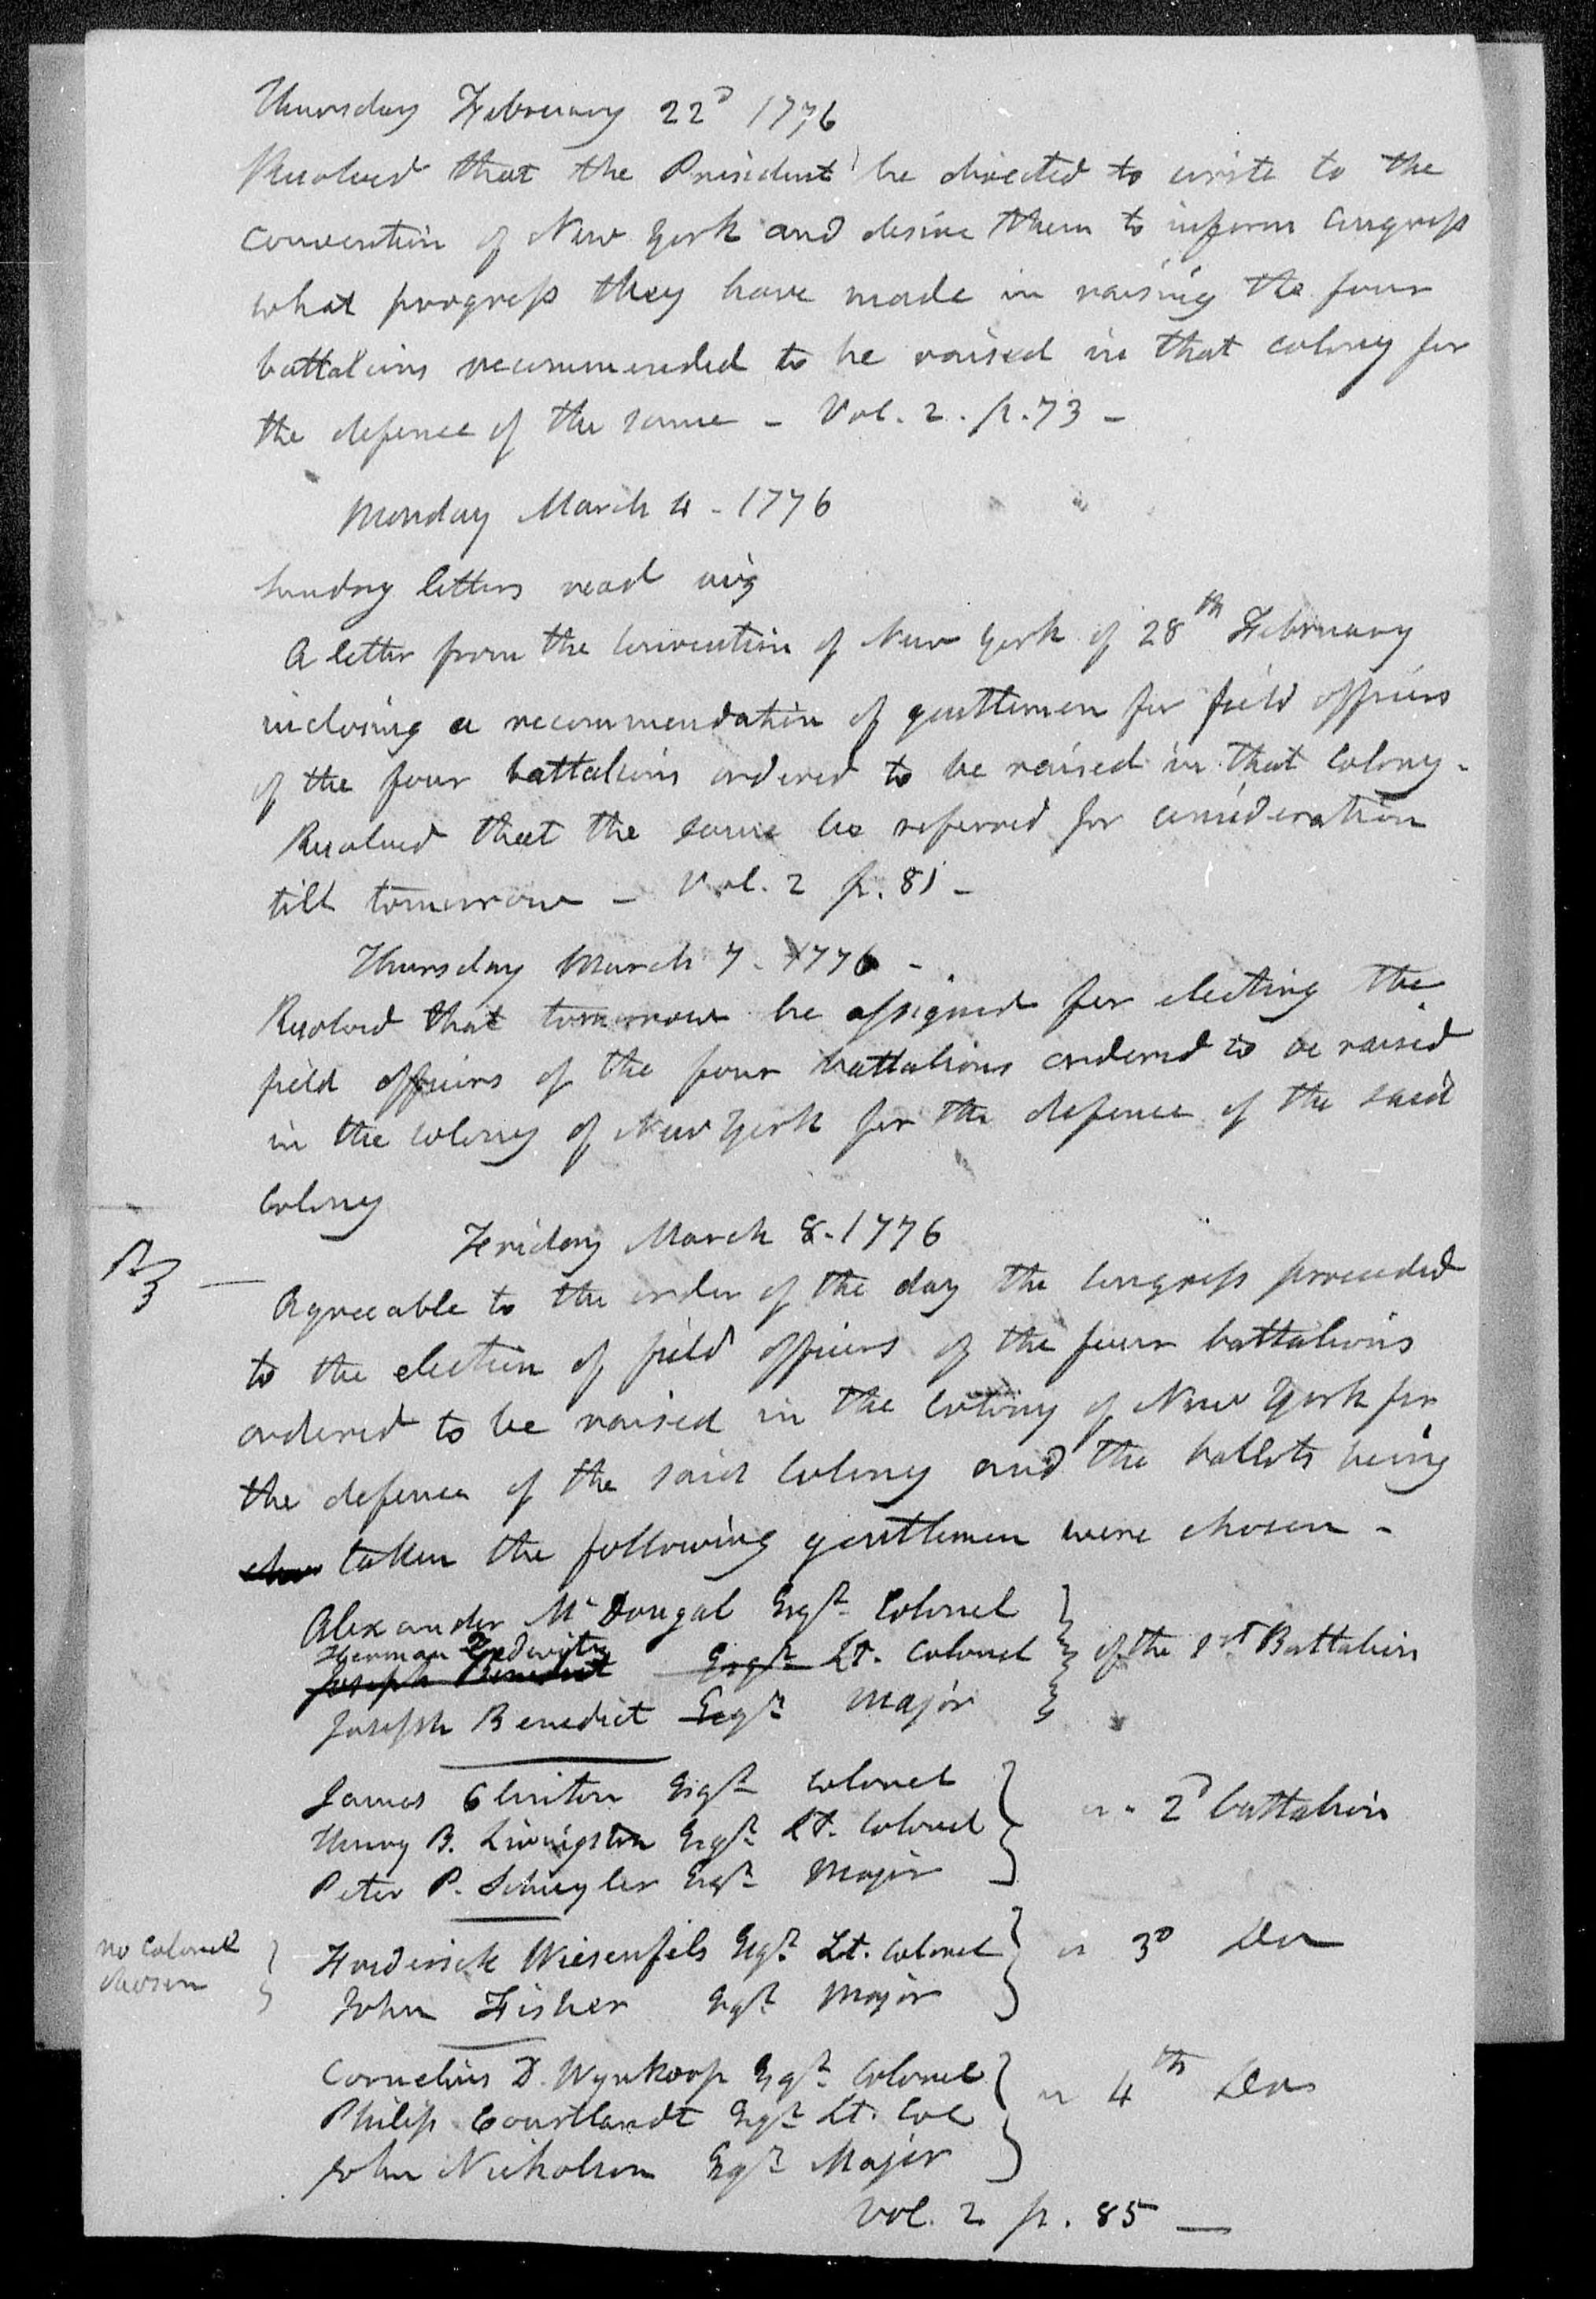Thursday February 22d 1776
Resolved that the President be directed to write to the Convention of New York and desire them to inform Congress what progress they have made in raising the four battalions recommended to be raised in that colony for the defense of the same - Vol 2. p 73

Monday March 4 1776
Sunday letters read viz
A letter from the Convention of New York of 28th February including a recommendation of gentlemen for field offices of the four battalions ordered to be revised in that Colony. Resolved that the same be referred for consideration till tomorrow- Vol 2. p. 81

Thursday March 7 1776
Resolved that tomorrow be assigned for electing the field officers of the four battalions ordered to be raised in the colony of New York for the defense of the said Colony. 

Friday March 8 1776
Agreeable to the order of the day the Congress proceeded to the election of field officers of the four battalions ordered to be raised in the Colony of New York for the defense of the said Colony and the ballots being taken the following gentlemen were chosen
Alexander McDougal Esq Colonel 
Herman Gedwite Esq Lt. Colonel 
Joseph Benedict Major 
of the 1st Battalion

James Clinton Esq. Colonel 
Henry B. Livingston Esq. Lt. Colonel 
Peter P. Sineyter Esq. Major
" 2d battalion

no Colonel sworn
Hendrick Wiesenfels Esq Lt. Colonel 
John Fisher Esq. Major  
3d bn 

Cornelius D. Wynkoop Esq. Colonel 
Phillip Courtlandt Esq. Lt Col. 
John Nicholson Esq. Major 
4th bn 

Vol 2 p. 85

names: Frederick Weisenfels; Herman Gedwite; James Clinton; John Nicholson; Philip Courtlandt; Alexander Mc Dougal; Cornelius D Wynkoop; Peter P Schuyler; John Fisher; Henry B Livingston; Joseph Benedict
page: 36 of 40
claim: widow's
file: W. 21876, for Christian Osterman, New York